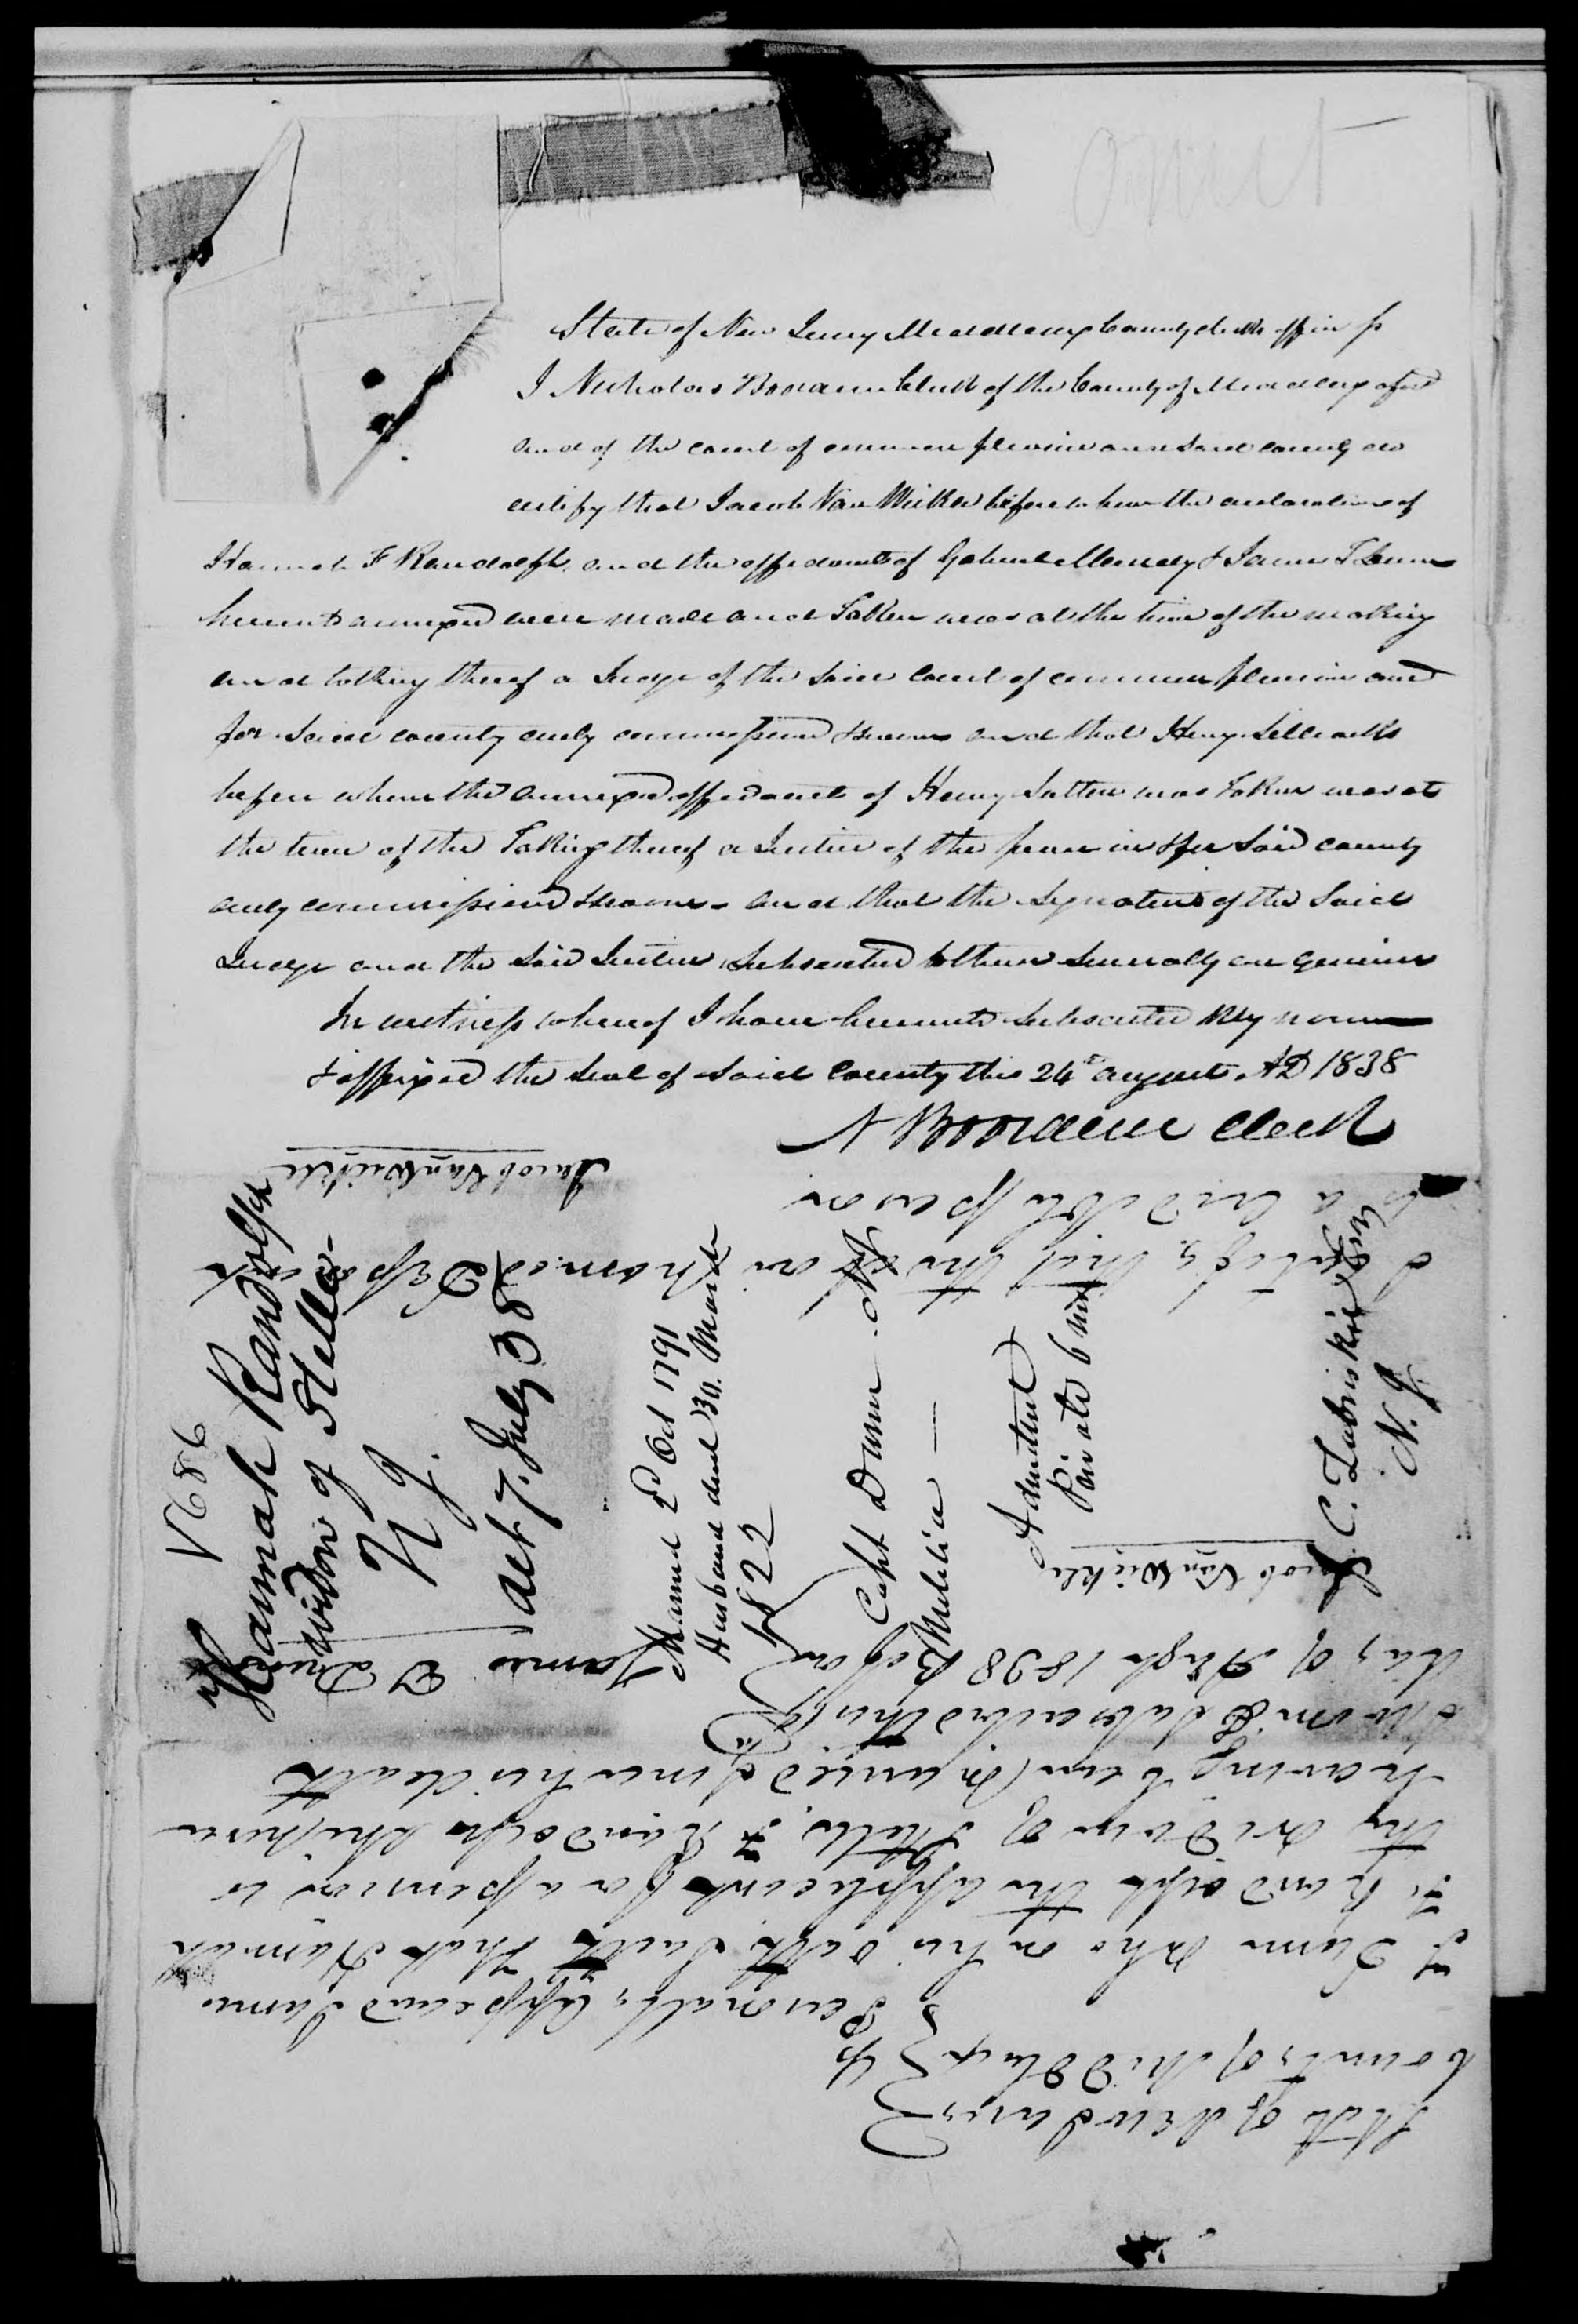State of New Jersey Middlesex County Clerks office so
I Nicholas Bourdeaux Clerk of this County of Middlesex aforesaid and of the court of common pleas with and under said county do certify that Jacob Van Winkle before whom the declarations of Hannah F. Randolph and the affidavit of Galusha Mercery & James Thomas hereunto assigned were made and taken was at the time of the making and taking these of a scribe of the said court of common pleas in court for said county duly commissioned hears and that Henry [Sellicalls?] ( indecipherable) before whom the assigned affidavit of henry Sutton was taken was at the time of the taking thereof a justice of the peace in the aforesaid county duly commissioned therein and that the signatures of the said Judge and the said Justice subscribed by them severally are genuine.  He witnesses where of I have hereunto subscribed my sworn  & affixed the seal of said county this 24th August, AD 1838
A Bordeaux  Clerk

[note:  side ways writing and upside down cursive on this page was NOT transcribed]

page: 12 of 33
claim: widow's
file: W. 5,665, for Stelle F Randolph, New Jersey